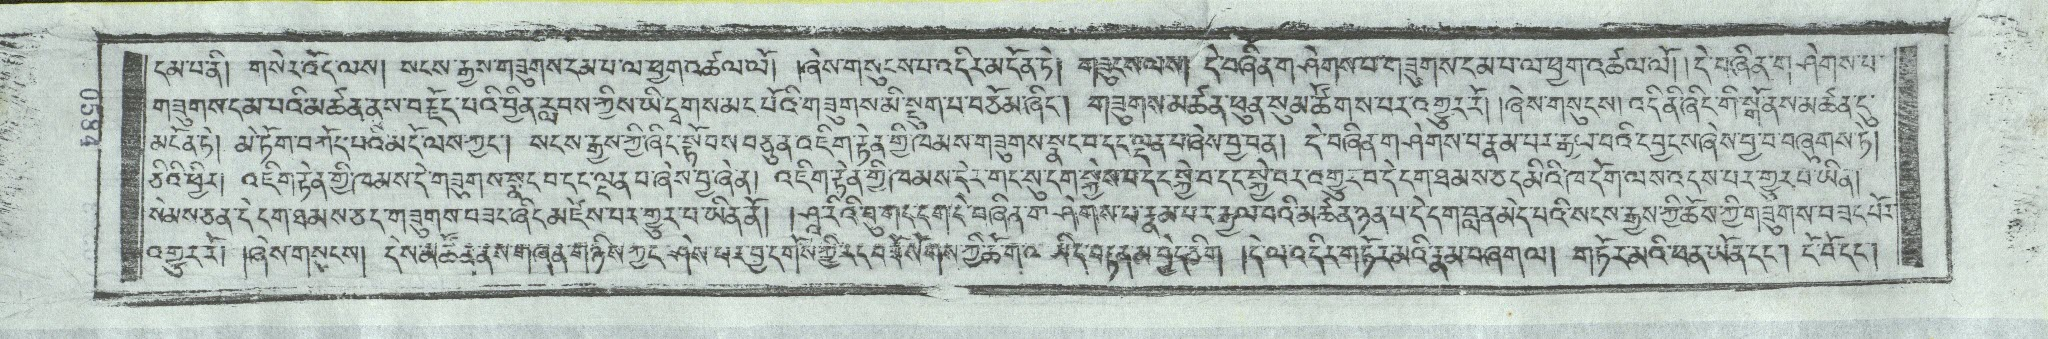དམ་པ་ནི། གསེར་འོད་ལས། སངས་རྒྱས་གཟུགས་དམ་པ་ལ་ཕྱག་འཚལ་ལོ། །ཞེས་གསུངས་པ་འདིར་མངོན་ཏེ། གཟུངས་ལས། དེ་བཞིན་གཤེགས་པ་གཟུགས་དམ་པ་ལ་ཕྱག་འཚལ་ལོ། །དེ་བཞིན་གཤེགས་པ་
གཟུགས་དམ་པའི་མཚན་ནས་བརྗོད་པའི་བྱིན་རླབས་ཀྱིས་ཡི་དྭགས་མང་པོའི་གཟུགས་མི་སྡུག་པ་བཅོམ་ཞིང་། གཟུགས་མཚན་ཕུན་སུམ་ཚོགས་པར་འགྱུར་རོ། །ཞེས་གསུངས། འདི་ནི་ཞིང་གི་སྒོ་ནས་མཚན་དུ་
མངོན་ཏེ། མེ་ཏོག་བཀོད་པའི་མདོ་ལས་ཀྱང་། སངས་རྒྱས་ཀྱི་ཞིང་སྟོབས་བཅུ་ན་འཇིག་རྟེན་གྱི་ཁམས་གཟུགས་སྣང་བ་དང་ལྡན་པ་ཞེས་བྱ་བ་ན། དེ་བཞིན་གཤེགས་པ་རྣམ་པར་རྒྱལ་བའི་དབྱངས་ཞེས་བྱ་བ་བཞུགས་ཏེ།
ཅིའི་ཕྱིར། འཇིག་རྟེན་གྱི་ཁམས་དེ་གཟུགས་སྣང་བ་དང་ལྡན་པ་ཞེས་བྱ་ཞེ་ན། འཇིག་རྟེན་གྱི་ཁམས་དེར་གང་སུ་དག་སྐྱེས་པ་དང་སྐྱེ་པ་དང་སྐྱེ་བར་འགྱུར་པ་དེ་དག་ཐམས་ཅད་མིའི་ཁ་དོག་ལས་འདས་པར་གྱུར་པ་ཡིན།
སེམས་ཅན་དེ་དག་ཐམས་ཅད་གཟུགས་བཟང་ཞིང་མཛེས་པར་གྱུར་པ་ཡིན་ནོ། །ཤཱ་རིའི་བུ་གང་དག་དེ་བཞིན་གཤེགས་པ་རྣམ་པར་རྒྱལ་བའི་མཚན་ཉན་པ་དེ་དག་བླ་ན་མེད་པའི་སངས་རྒྱས་ཀྱི་ཆོས་ཀྱི་གཟུགས་བཟང་པོ་
འགྱུར་རོ། །ཞེས་གསུངས། དེས་མཚོན་ནས་གཞན་གཉིས་ཀྱང་ཤེས་པར་བྱ་དགོས་ཀྱི་རང་བཟོ་སོགས་ཀྱི་ཆོག་ལ་ཡིད་བརྟན་མ་བྱེད་ཅིག །དེ་ལ་འདིར་གཏོར་མའི་རྣམ་བཞག་ལ། གཏོར་མའི་ཕན་ཡོན་དང་། ངོ་བོ་དང་།